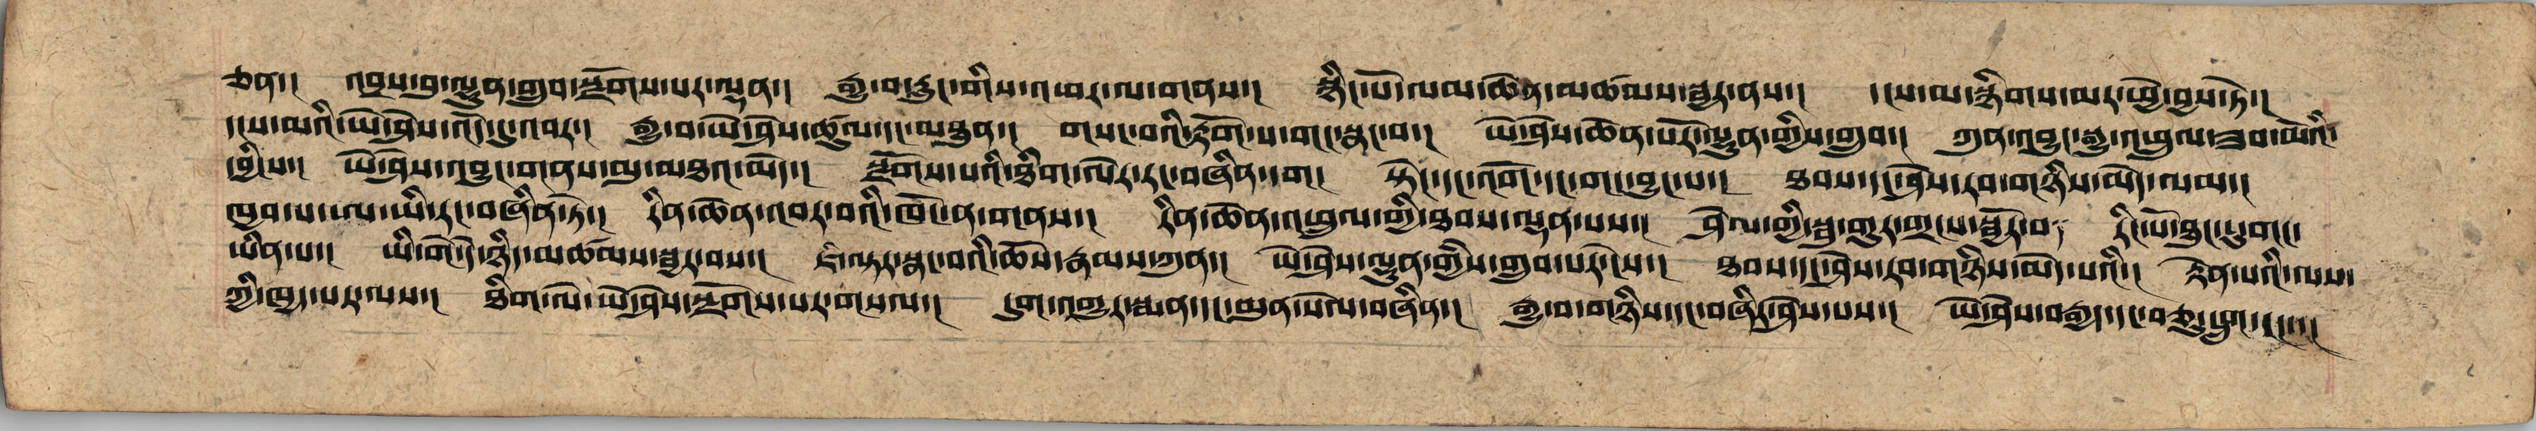ཅན་། འབྲས་བུ་ལྷུན་གྲུབ་སྫོགས་པར་ལྡན་། རྒྱུ་བ་རླུང་གིས་འཕར་ལ་གནས་། སྙིང་པོ་ལམ་ཆེན་མཚམས་སྦྱར་ནས་། དངས་མ་སྙིགས་མར་ཕྱེ་བྱས་ཏེ་།
དངས་མའི་ཡེ་ཤེས་འོད་དུ་འབར་། རྒྱུ་བ་ཡེ་ཤེས་ཚུལ་དང་མཐུན་། གསང་བའི་རྟོག་པ་གང་སྣང་བ་། ཡེ་ཤེས་ཆེན་པོར་ལྷུན་གྱིས་གྲུབ་། ཀུན་འབྱུང་སྒྱུ་འཕྲུལ་ཟབ་མོའ
དབྱིངས་། ཡེ་ཤེས་འབྱུང་གནས་མུ་མཐའ་མེད་། སྫོགས་པའི་ཐིག་ལེར་རང་བཞིན་དག། སྟེང་དང་འོག་དང་གང་བྱུང་པ་། ཐབས་དང་ཤེས་རབ་གཉིས་མེད་ལམ་།
ཁྱབ་པ་ཨ་ཡི་རང་བཞིན་ཏེ་། རིན་ཆེན་འབར་བའི་ཁོང་ན་གནས་། རིན་ཆེན་འཕྲུལ་གྱི་ཐབས་ལྡན་པས་། ཤེལ་གྱི་སྦུ་གུར་གྲངས་སྦྱོར་བ༑ རིང་པོ་ཐུང་ངུ་གང་
ཡིན་པ་། ཡི་གེ་དེ་ཉིད་མཚམས་སྦྱར་བས་། ཇི་ལྟར་སྣང་བའི་ཆོས་རྣམས་ཀུན་། ཡེ་ཤེས་ལྷུན་གྱིས་གྲུབ་པར་ངེས་། ཐབས་དང་ཤེས་རབ་གཉིས་མེད་པའི་། རྟེན་པའི་ལས་
ཀྱི་ཁྱད་པར་ལས་། ཐིག་ལེ་ཡེ་ཤེས་སྫོགས་པར་གསལ་། དུག་འགྱུར་སྨན་དང་མུན་སེལ་བཞིན་། རྒྱུ་བ་གཉིས་དང་བཞི་ཤེས་པས་། ཡེ་ཤེས་བརྒྱད་དང་བཅུ་དྲུག་དང་་།